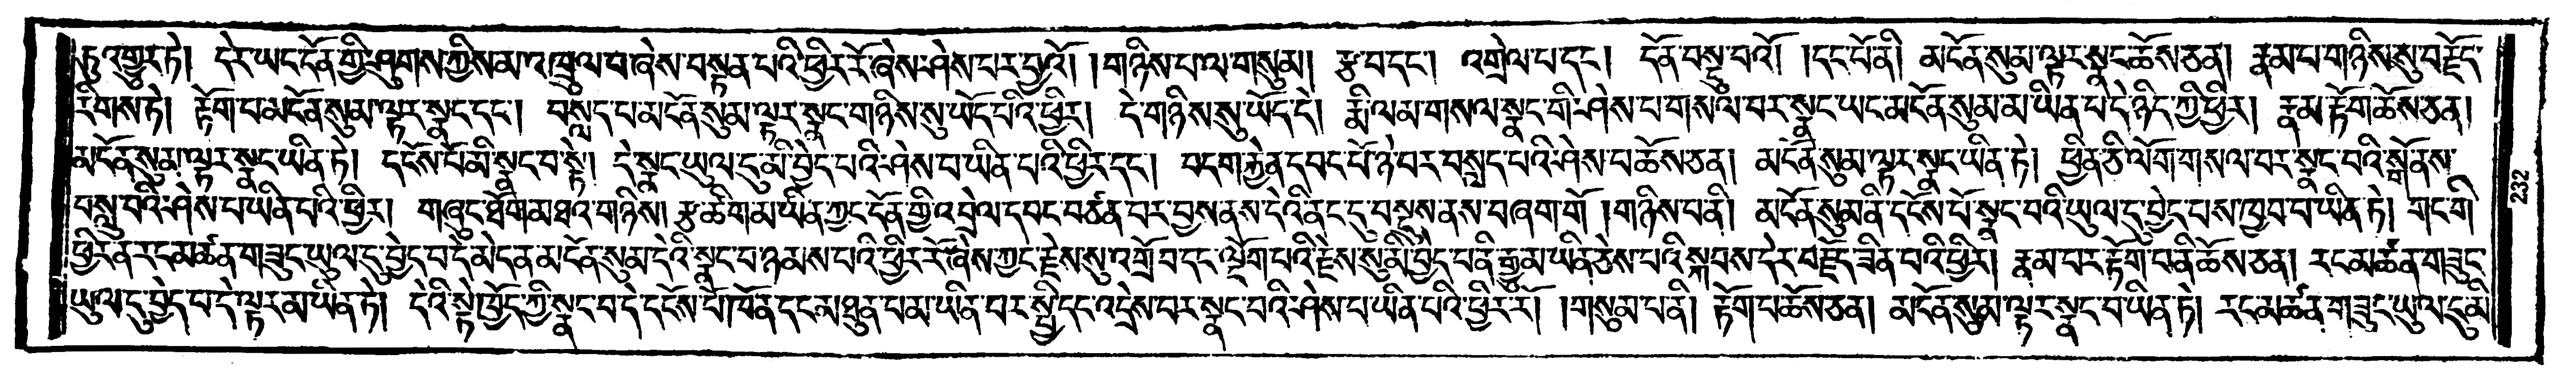ཏུ་འགྱུར་ཏེ། དེར་ཡང་དོན་གྱི་ཤུགས་ཀྱིས་མ་འཁྲུལ་བ་ཞེས་བསྟན་པའི་ཕྱིར་རོ་ཞེས་ཤེས་པར་བྱའོ། །གཉིས་པ་ལ་གསུམ། རྩ་བ་དང་། འགྲེལ་པ་དང་། དོན་བསྡུ་བའོ། །དང་པོ་ནི། མངོན་སུམ་ལྟར་སྣང་ཆོས་ཅན། རྣམ་པ་གཉིས་སུ་བརྗོད་
རིགས་ཏེ། རྟོག་པ་མངོན་སུམ་ལྟར་སྣང་དང་། བསླད་པ་མངོན་སུམ་ལྟར་སྣང་གཉིས་སུ་ཡོད་པའི་ཕྱིར། དེ་གཉིས་སུ་ཡོད་དེ། རྨི་ལམ་གསལ་སྣང་གི་ཤེས་པ་གསལ་བར་སྣང་ཡང་མངོན་སུམ་མ་ཡིན་པ་དེ་ཉིད་ཀྱི་ཕྱིར། རྣམ་རྟོག་ཆོས་ཅན།
མངོན་སུམ་ལྟར་སྣང་ཡིན་ཏེ། དངོས་པོ་མི་སྣང་བ་སྟེ། དེ་སྣང་ཡུལ་དུ་མི་བྱེད་པའི་ཤེས་པ་ཡིན་པའི་ཕྱིར་དང་། བདག་རྐྱེན་དབང་པོ་ཉེ་བར་བསླད་པའི་ཤེས་པ་ཆོས་ཅན། མངོན་སུམ་ལྟར་སྣང་ཡིན་ཏེ། ཕྱིན་ཅི་ལོག་གསལ་བར་སྣང་བའི་སྒོ་ནས་
བསླུ་བའི་ཤེས་པ་ཡིན་པའི་ཕྱིར། གཞུང་ཐོག་མཐའ་གཉིས། རྩ་ཚིག་མ་ཡིན་ཀྱང་དོན་གྱི་འབྲེལ་དབང་བཙན་བར་བྱས་ནས་དེའི་ནང་དུ་བསྡུས་ནས་བཞག་གོ །གཉིས་པ་ནི། མངོན་སུམ་ནི་དངོས་པོ་སྣང་བའི་ཡུལ་དུ་བྱེད་པས་ཁྱབ་པ་ཡིན་ཏེ། གང་གི་
ཕྱིར་ན་རང་མཚན་གཟུང་ཡུལ་དུ་བྱེད་པ་དེ་མེད་ན་མངོན་སུམ་དེའི་སྣང་བ་ཉམས་པའི་ཕྱིར་རོ་ཞེས་ཀྱང་རྗེས་སུ་འགྲོ་བ་དང་ལྡོག་པའི་རྗེས་སུ་མི་བྱེད་པ་ནི་རྒྱུ་མ་ཡིན་ཅེས་པའི་སྐབས་དེར་བརྗོད་ཟིན་པའི་ཕྱིར། རྣམ་པར་རྟོག་པ་ནི་ཆོས་ཅན། རང་མཚན་གཟུང་
ཡུལ་དུ་བྱེད་པ་དེ་ལྟར་མ་ཡིན་ཏེ། དེའི་སྟེ་ཁྱོད་ཀྱི་སྣང་བ་དེ་དངོས་པོ་ཁོ་ན་དང་མཐུན་པ་མ་ཡིན་པར་སྤྱི་དང་འདྲེས་པར་སྣང་བའི་ཤེས་པ་ཡིན་པའི་ཕྱིར་རོ། །གསུམ་པ་ནི། རྟོག་པ་ཆོས་ཅན། མངོན་སུམ་ལྟར་སྣང་བ་ཡིན་ཏེ། རང་མཚན་གཟུང་ཡུལ་དུ་མི་